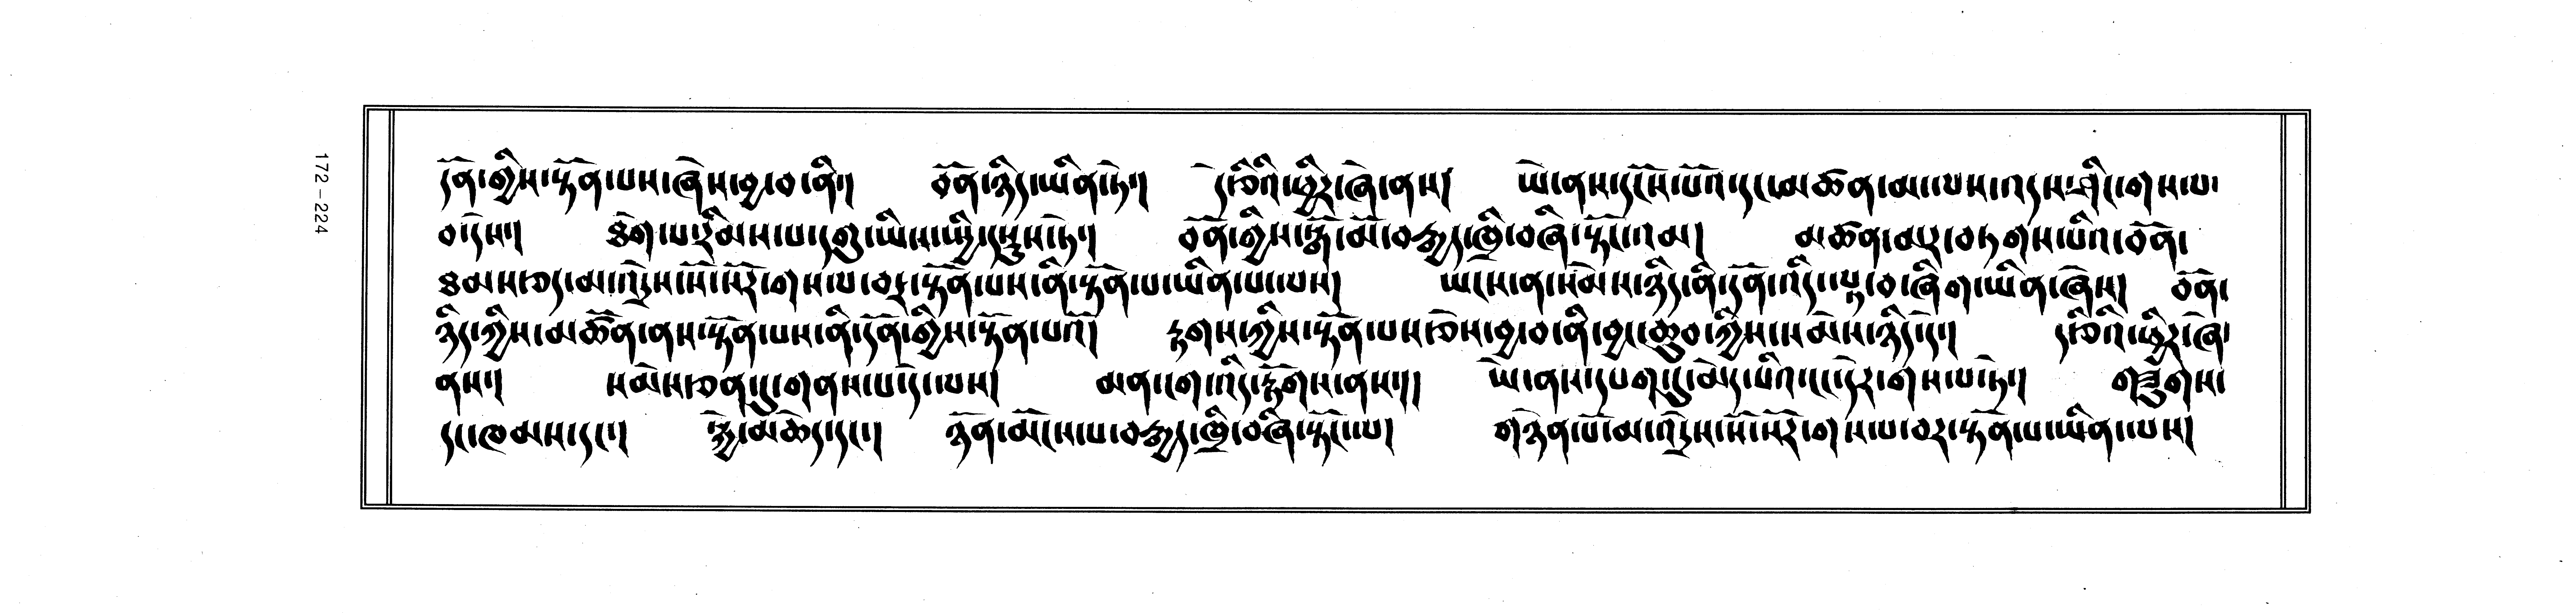དོན་གྱིས་སྟོན་པས་ཞེས་བྱ་བ་ནི། བོན་ཉིད་ཡིན་ཏེ། དེ་ཅིའི་ཕྱིར་ཞེ་ནས། ཡེ་ནས་དངོས་པའོ་དང་མཚན་མ་ལས་འདས་ཤིང་གསལ་
བ་དེས། ཐེག་པ་རིམ་པ་དགུ་ཡིས་སྤྱི་སྡུས་ཏེ། བོན་གྱིས་སྒོ་མོ་བརྒྱད་ཁྲི་བཞི་སྟོང་འམ། མཚན་མར་བཏགས་པའི་བོན་
ཐམས་ཅད་མ་འདྲེས་སོ་སོར་གསལ་བར་སྟོན་པས་ནི་སྟོན་པ་ཡིན་པ་ལས། ཡང་ན་སེམས་ཉིད་ནི་དོན་འདི་ལྟ་བ་ཞིག་ཡིན་ཞེས། བོན་
ཉིད་ཀྱིས་མཚོན་ནས་སྟོན་པས་ནི་དོན་གྱིས་སྟོན་པའོ། རྟགས་ཀྱིས་སྟོན་པས་ཅེས་བྱ་བ་ནི་བྱང་ཆུབ་ཀྱིས་སེམས་ཉིད་དོ། དེ་ཅིའི་ཕྱིར་ཞེ་
ནས། སེམས་ཅན་དུ་གནས་པ་དེ་ལས། མན་ངག་འདི་རྟོགས་ནས། ཡེ་ནས་དཔག་དུ་མེད་པའི་ངང་དེར་གསལ་ཏེ། གཟུགས་
དང་ཁམས་དང་། སྐྱེ་མཆེད་དང་། ཉོན་མོངས་པ་བརྒྱད་ཁྲི་བཞི་སྟོང་ལ། གཉེན་པོ་མ་འདྲེས་སོ་སོར་གསལ་བར་སྟོན་པ་ཡིན་པས།